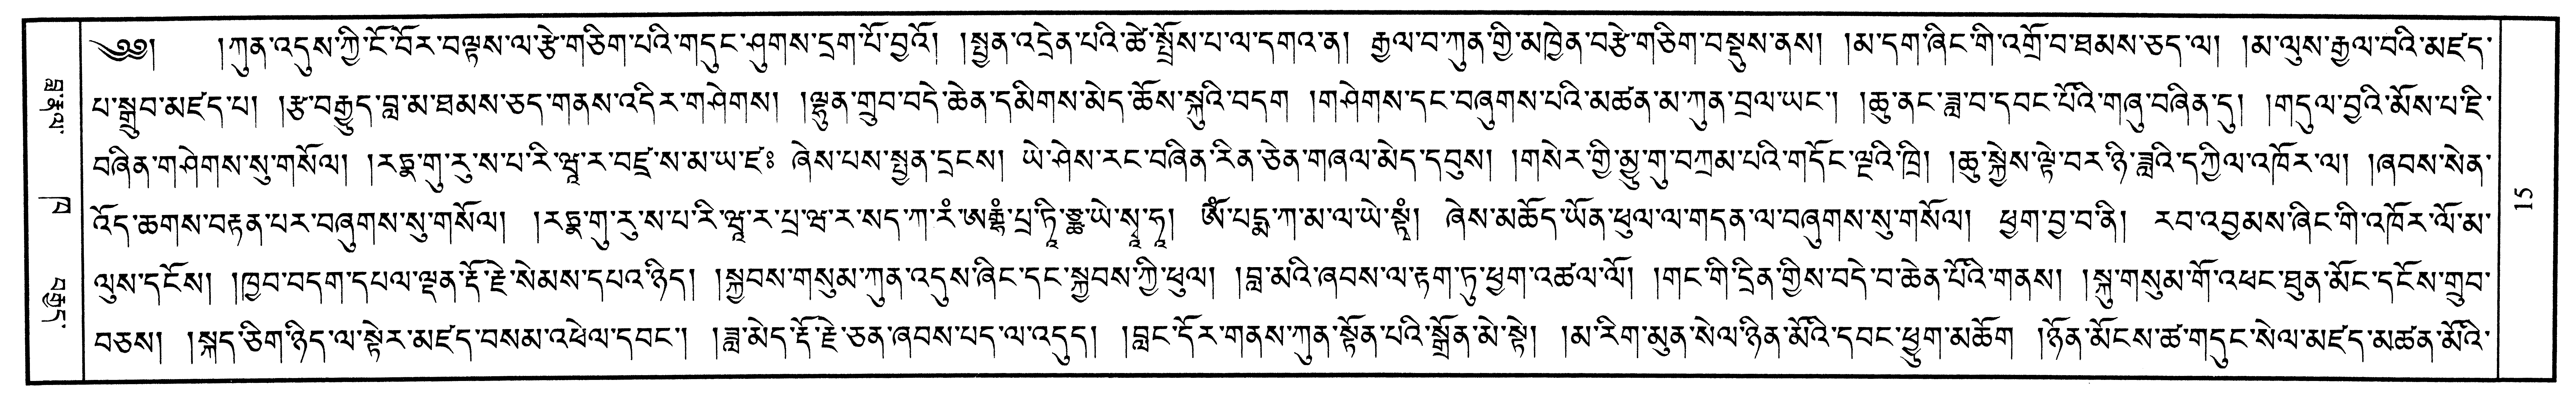༄༅། །ཀུན་འདུས་ཀྱི་ངོ་བོར་བལྟས་ལ་རྩེ་གཅིག་པའི་གདུང་ཤུགས་དྲག་པོ་བྱའོ། །སྤྱན་འདྲེན་པའི་ཚེ་སྤྲོས་པ་ལ་དགའ་ན། རྒྱལ་བ་ཀུན་གྱི་མཁྱེན་བརྩེ་གཅིག་བསྡུས་ནས། །མ་དག་ཞིང་གི་འགྲོ་བ་ཐམས་ཅད་ལ། །མ་ལུས་རྒྱལ་བའི་མཛད་
པ་སྒྲུབ་མཛད་པ། །རྩ་བརྒྱུད་བླ་མ་ཐམས་ཅད་གནས་འདིར་གཤེགས། །ལྷུན་གྲུབ་བདེ་ཆེན་དམིགས་མེད་ཆོས་སྐུའི་བདག །གཤེགས་དང་བཞུགས་པའི་མཚན་མ་ཀུན་བྲལ་ཡང་། །ཆུ་ནང་ཟླ་བ་དབང་པོའི་གཞུ་བཞིན་དུ། །གདུལ་བྱའི་མོས་པ་ཇི་
བཞིན་གཤེགས་སུ་གསོལ། །རཏྣ་གུ་རུ་ས་པ་རི་ཝཱ་ར་བཛྲ་ས་མ་ཡ་ཛཿ ཞེས་པས་སྤྱན་དྲངས། ཡེ་ཤེས་རང་བཞིན་རིན་ཅེན་གཞལ་མེད་དབུས། །གསེར་གྱི་མྱུ་གུ་བཀྲམ་པའི་གདོང་ལྔའི་ཁྲི། །ཆུ་སྐྱེས་ལྟེ་བར་ཉི་ཟླའི་དཀྱིལ་འཁོར་ལ། །ཞབས་སེན་
འོད་ཆགས་བརྟན་པར་བཞུགས་སུ་གསོལ། །རཏྣ་གུ་རུ་ས་པ་རི་ཝཱ་ར་པྲ་ཝ་ར་སད་ཀ་རཾ་ཨརྒྷཾ་པྲ་ཏཱི་ཙྪ་ཡེ་སྭཱ་ཧཱ། ཨོཾ་པདམ་ཀ་མ་ལ་ཡེ་སྟྭཾ། ཞེས་མཆོད་ཡོན་ཕུལ་ལ་གདན་ལ་བཞུགས་སུ་གསོལ། ཕྱག་བྱ་བ་ནི། རབ་འབྱམས་ཞིང་གི་འཁོར་ལོ་མ་
ལུས་དངོས། །ཁྱབ་བདག་དཔལ་ལྡན་རྡོ་རྗེ་སེམས་དཔའ་ཉིད། །སྐྱབས་གསུམ་ཀུན་འདུས་ཞིང་དང་སྐྱབས་ཀྱི་ཕུལ། །བླ་མའི་ཞབས་ལ་རྟག་ཏུ་ཕྱག་འཚལ་ལོ། །གང་གི་དྲིན་གྱིས་བདེ་བ་ཆེན་པོའི་གནས། །སྐུ་གསུམ་གོ་འཕང་ཐུན་མོང་དངོས་གྲུབ་
བཅས། །སྐད་ཅིག་ཉིད་ལ་སྟེར་མཛད་བསམ་འཕེལ་དབང་། །ཟླ་མེད་རྡོ་རྗེ་ཅན་ཞབས་པད་ལ་འདུད། །བླང་དོར་གནས་ཀུན་སྟོན་པའི་སྒྲོན་མེ་སྟེ། །མ་རིག་མུན་སེལ་ཉིན་མོའི་དབང་ཕྱུག་མཆོག །ཉོན་མོངས་ཚ་གདུང་སེལ་མཛད་མཚན་མོའི་